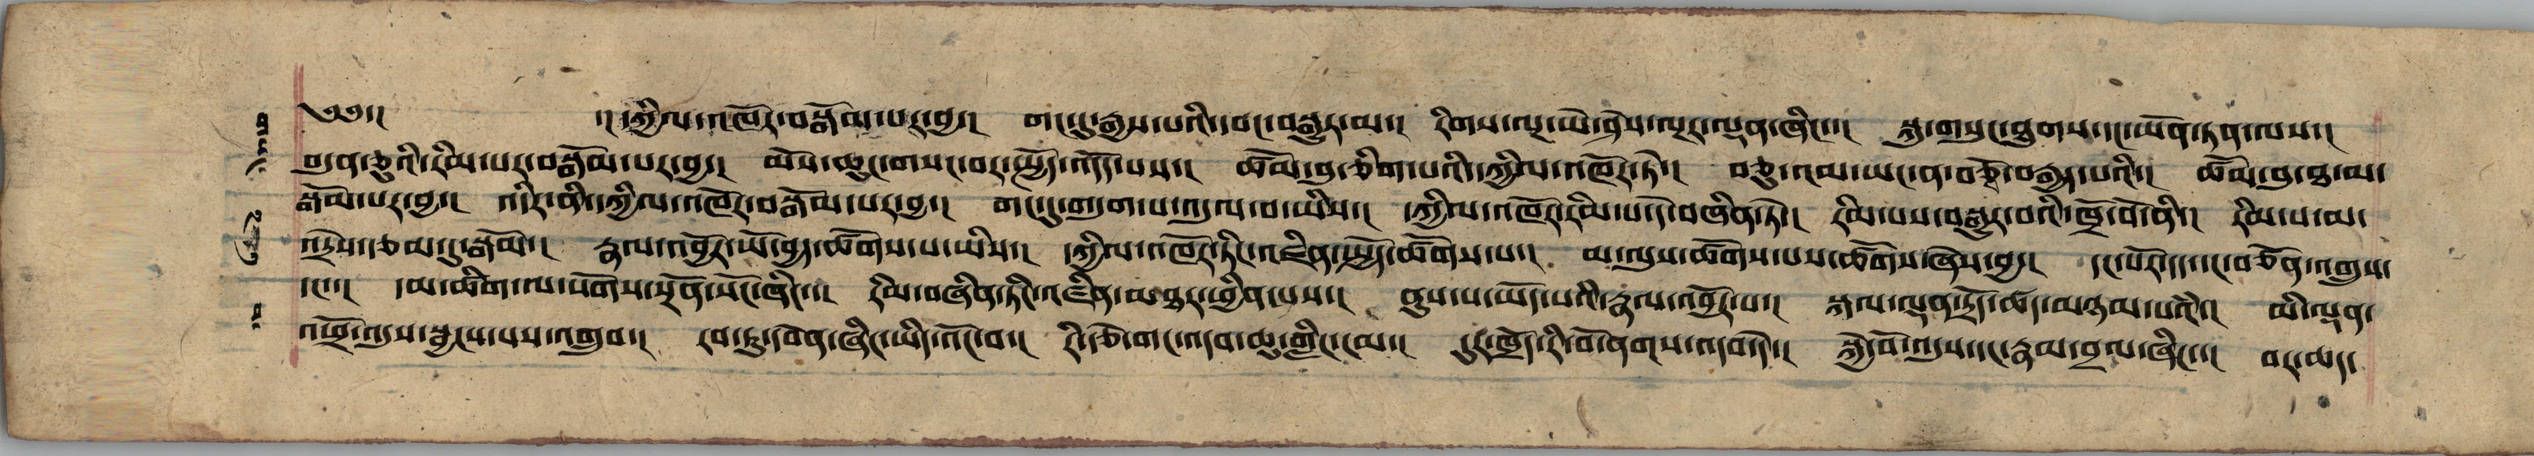༄༅་། ་། དཀྱིལ་འཁོར་བསྒོམ་པར་བྱ་། གང་དུ་རྒྱས་པའི་དབང་བསྒྱུར་མ་། རིགས་ལྔ་ཡེ་ཤེས་ལྔར་ལྡན་ཞིང་་། སྐུ་གསུང་ཐུགས་དང་ཡོན་ཏན་ལས་།
བདུན་ཅུའི་རིམ་པར་བསྒོམ་པར་བྱ་། མོས་ཆུང་གསང་བར་སྤྱོད་འདོད་པས་། ཚོམ་བུ་ཅིག་པའི་དཀྱིལ་འཁོར་ཏེ་། བཅུ་འམ་ཡང་ན་བཅྭོ་བརྒྱད་པའི་། ཚོམ་བུ་ཐ་མ་
སྒོམ་པར་བྱ་། འདིར་ནི་དཀྱིལ་འཁོར་བསྒོམ་པར་བྱ་། གང་དུ་གདུག་པ་འདུལ་བ་ཡིས་། དཀྱིལ་འཁོར་རིམ་པ་དེ་བཞིན་ཏེ་། རིམ་པས་བསྒྱུར་བའི་ཁྲོ་བོ་ནི་། རིམ་པ་མ་
འདྲེས་རྩམ་དུ་སྒོམ་། རྣལ་འབྱོར་ཡོ་བྱད་ཚོགས་པ་ཡིས་། དཀྱིལ་འཁོར་ཏིང་འཛིན་སྤྱོད་ཚོགས་པ་། མ་ལུས་ཚོགས་པས་ཚོགས་ཞེས་བྱ་། དང་པོར་དད་དང་བཙོན་འགྲུས་
དང་་། དམ་ཚིག་ལ་སོགས་སྔོན་སོང་ཞིང་་། རིམ་བཞིན་ཏིང་འཛིན་མཐར་ཕྱིན་པས་། ནུས་པ་ཡོད་པའི་རྣལ་འབྱོར་པ་། སྐལ་ལྡན་དྲོད་ཚད་མཉམ་པའཾ་། མི་ལྡན་
འཕྲོ་འདུས་སྦྱངས་པས་འགྲུབ་། རབ་ཏུ་དབེན་ཞིང་ཡིད་འོང་བ་། རི་རྩེ་གང་འདབ་ཆུ་གླིང་ངམ་། དུར་ཁྲོད་རི་བོ་ནགས་འདབ་དེ་། སྐྱེ་བོ་འདུས་དང་རྣམ་བྲལ་ཞིང་་། བར་ཆད་